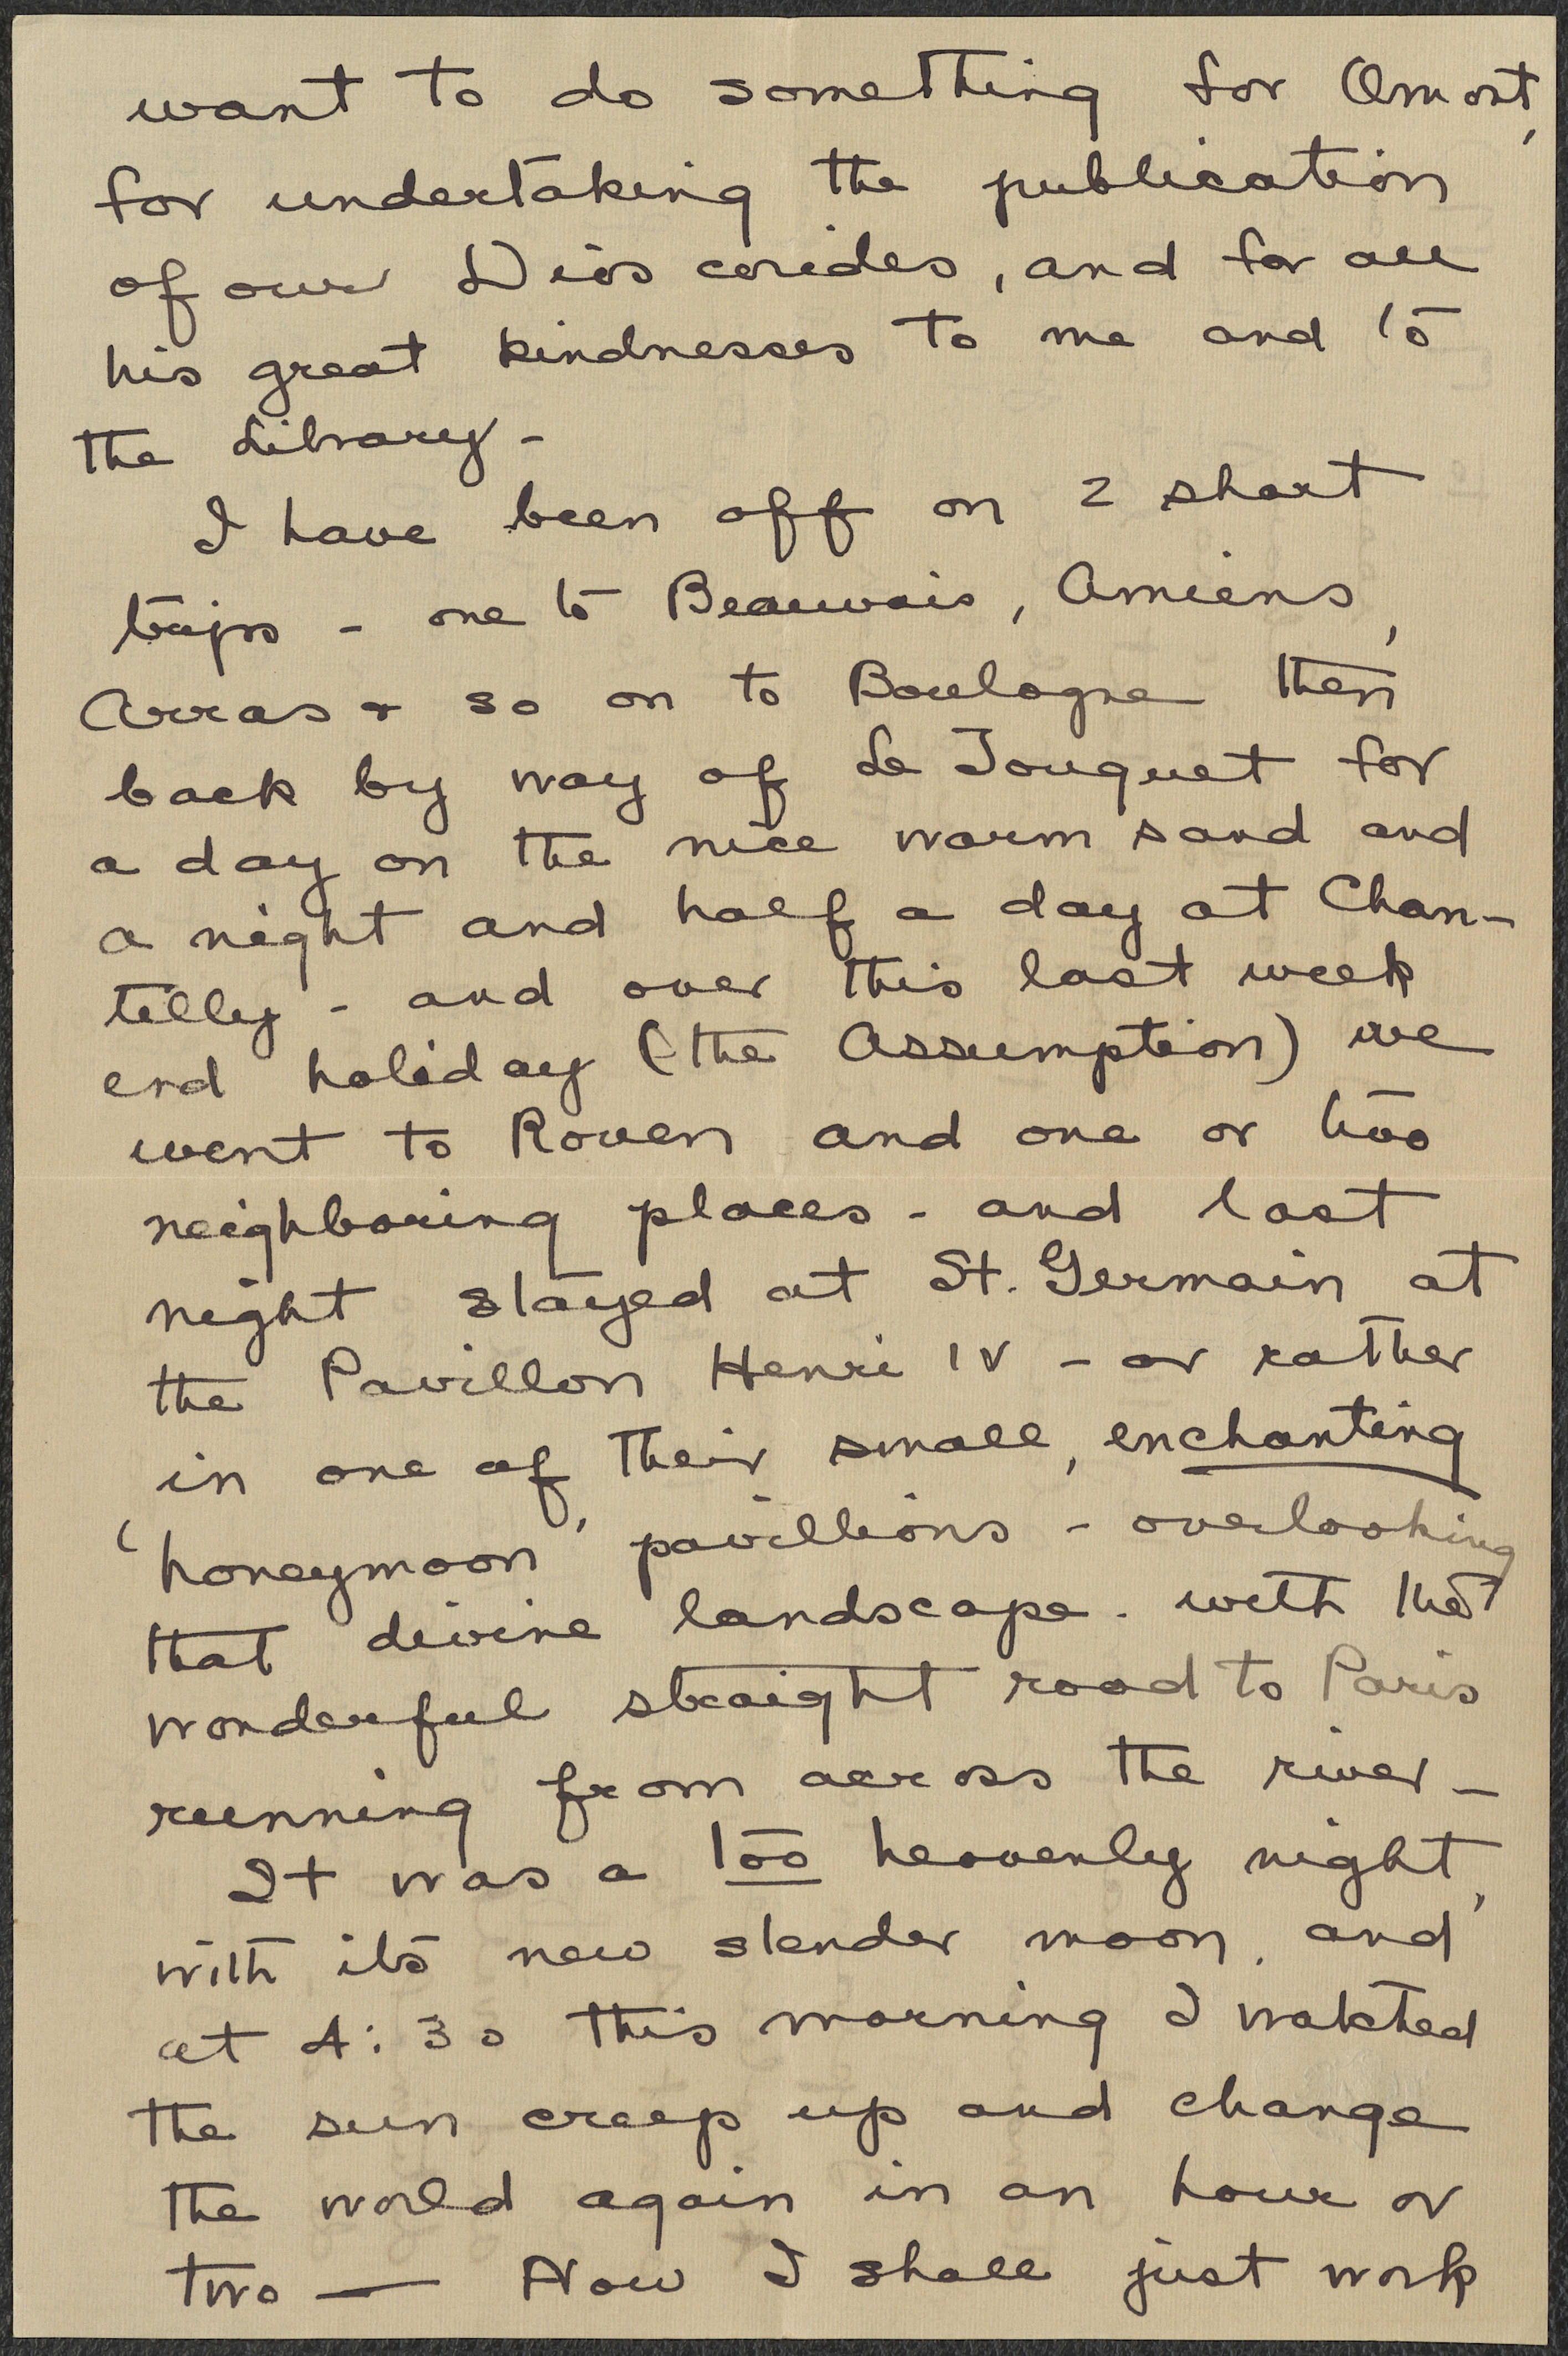want to do something for Omont, for undertaking the publication of our Dioscorides, and for all his great kindnesses to me and to the Library-
I have been off on 2 short trips- one to Beauvais, Amiens, Arras & so on to Boulogne then back by way of Le Touquet for a day on the nice warm sand and a night and half a day at Chantillly [sic] – and over this last weekend holiday (the Assumption) we went to Rouen and one or two neighboring places, and last night stayed at St. Germain at the Pavillon Henri IV – or rather in one of their small, enchanting 'honeymoon' pavillions – overlooking that divine landscape, with the wonderful straight road to Paris running from across the river –
It was a too heavenly night, with its new slender moon, and at 4:30 this morning I watched the sun creep up and change the world again in an hour or two – Now I shall just work